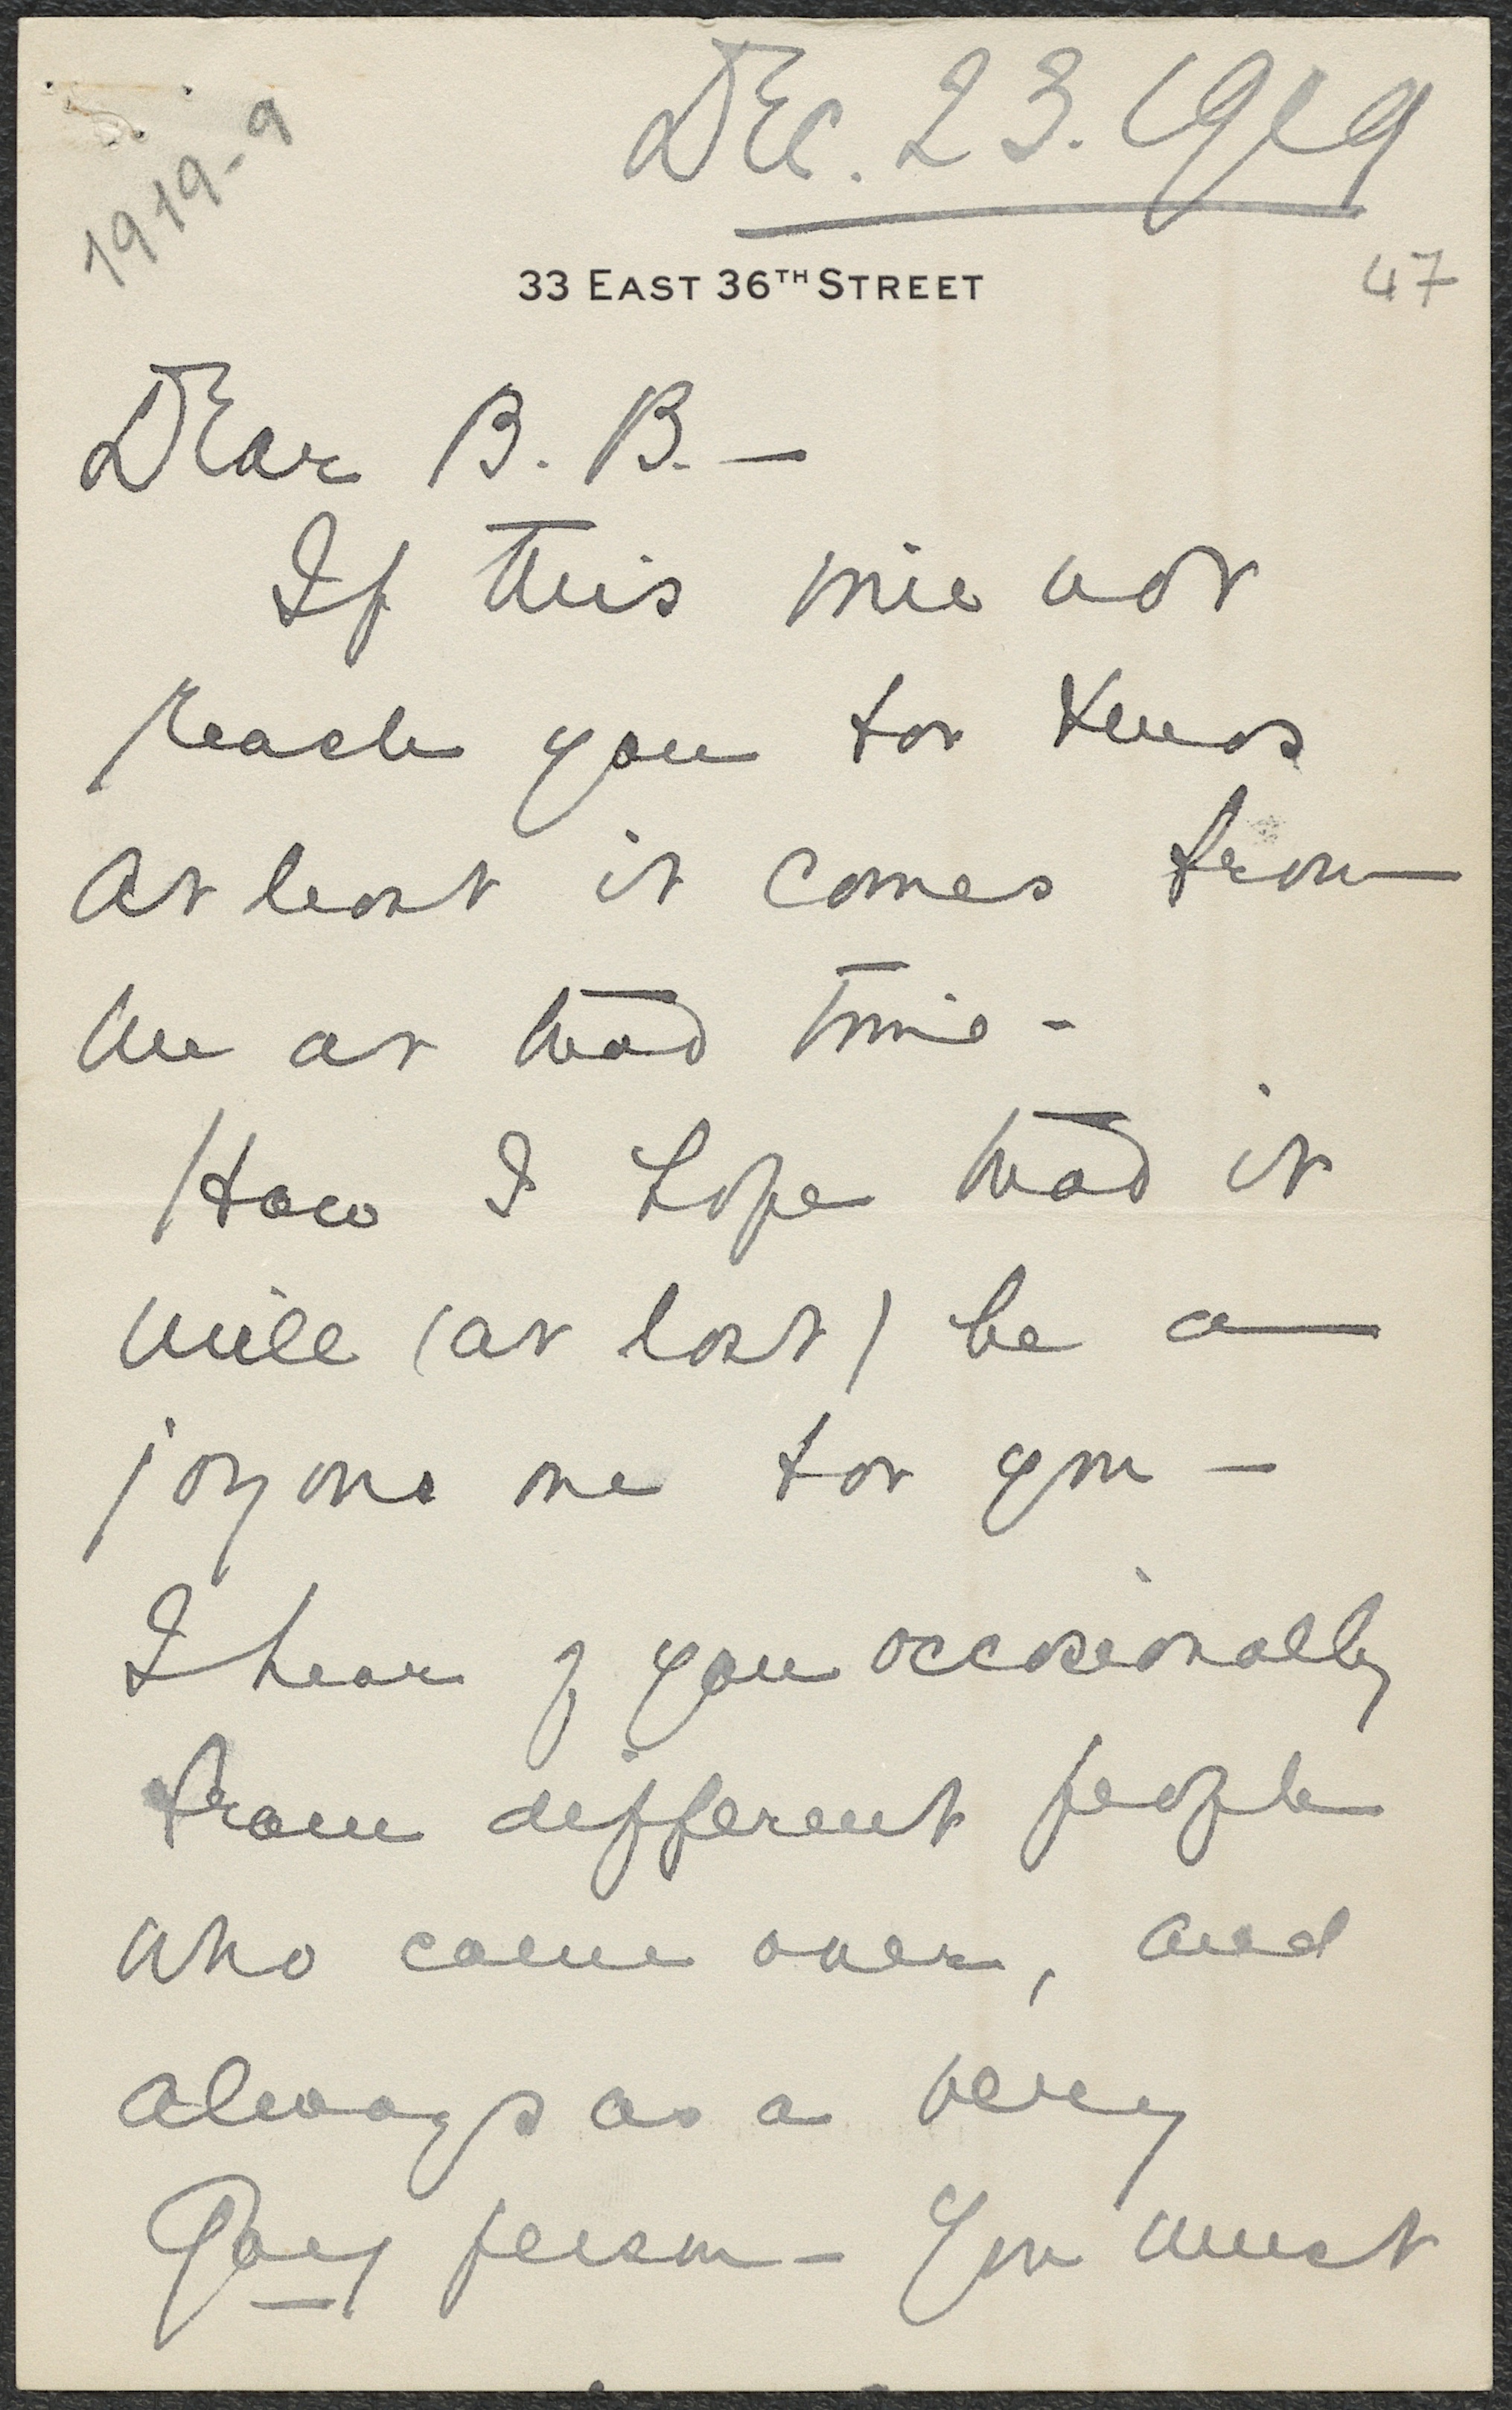Dec. 23. 1919
Dear B.B.–
If this will not reach you for Xmas at least it come from me at that time.
How I hope that it will (at last) be a joyous one for you –
I hear of you occasionally from different people who came over, and always as a very Gay person – You must